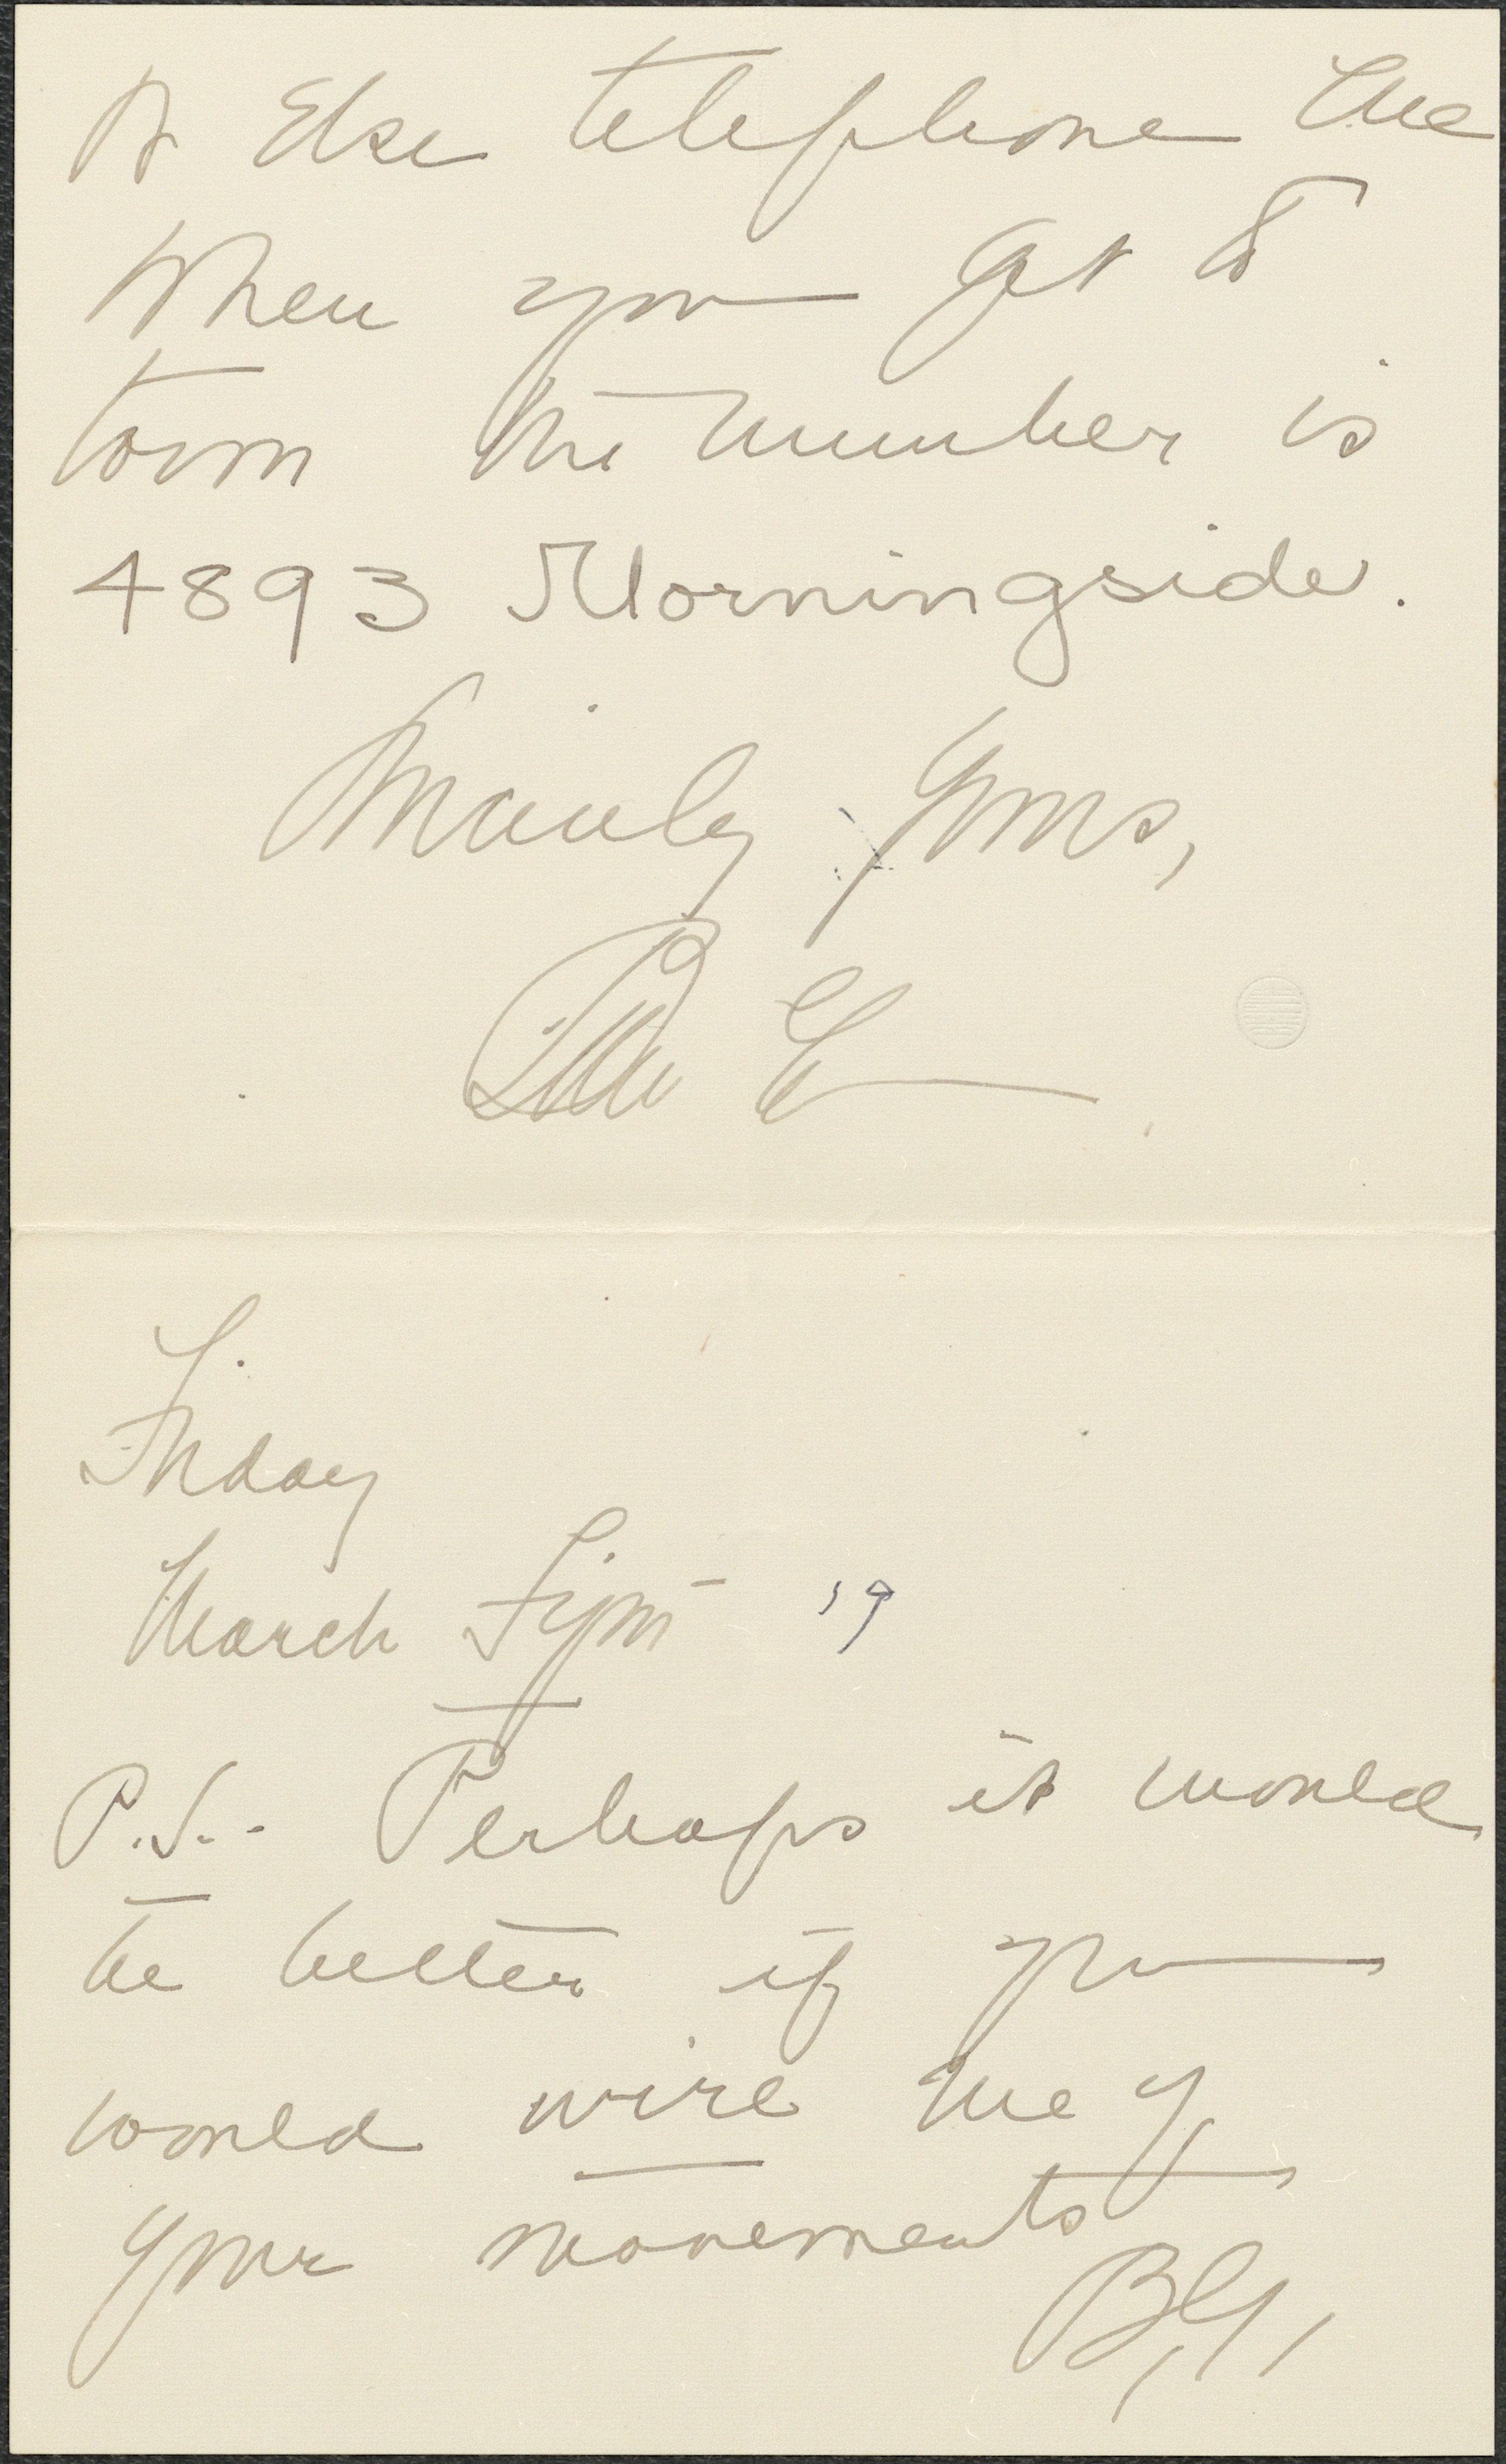or else telephone me when you get to town the number is [in secretarial script: 4893 Morningside.]
Sincerely Yours,
Belle G.
Friday
March Fifth
P. S. – Perhaps it would be better if you would wire me of your movements
B. G.